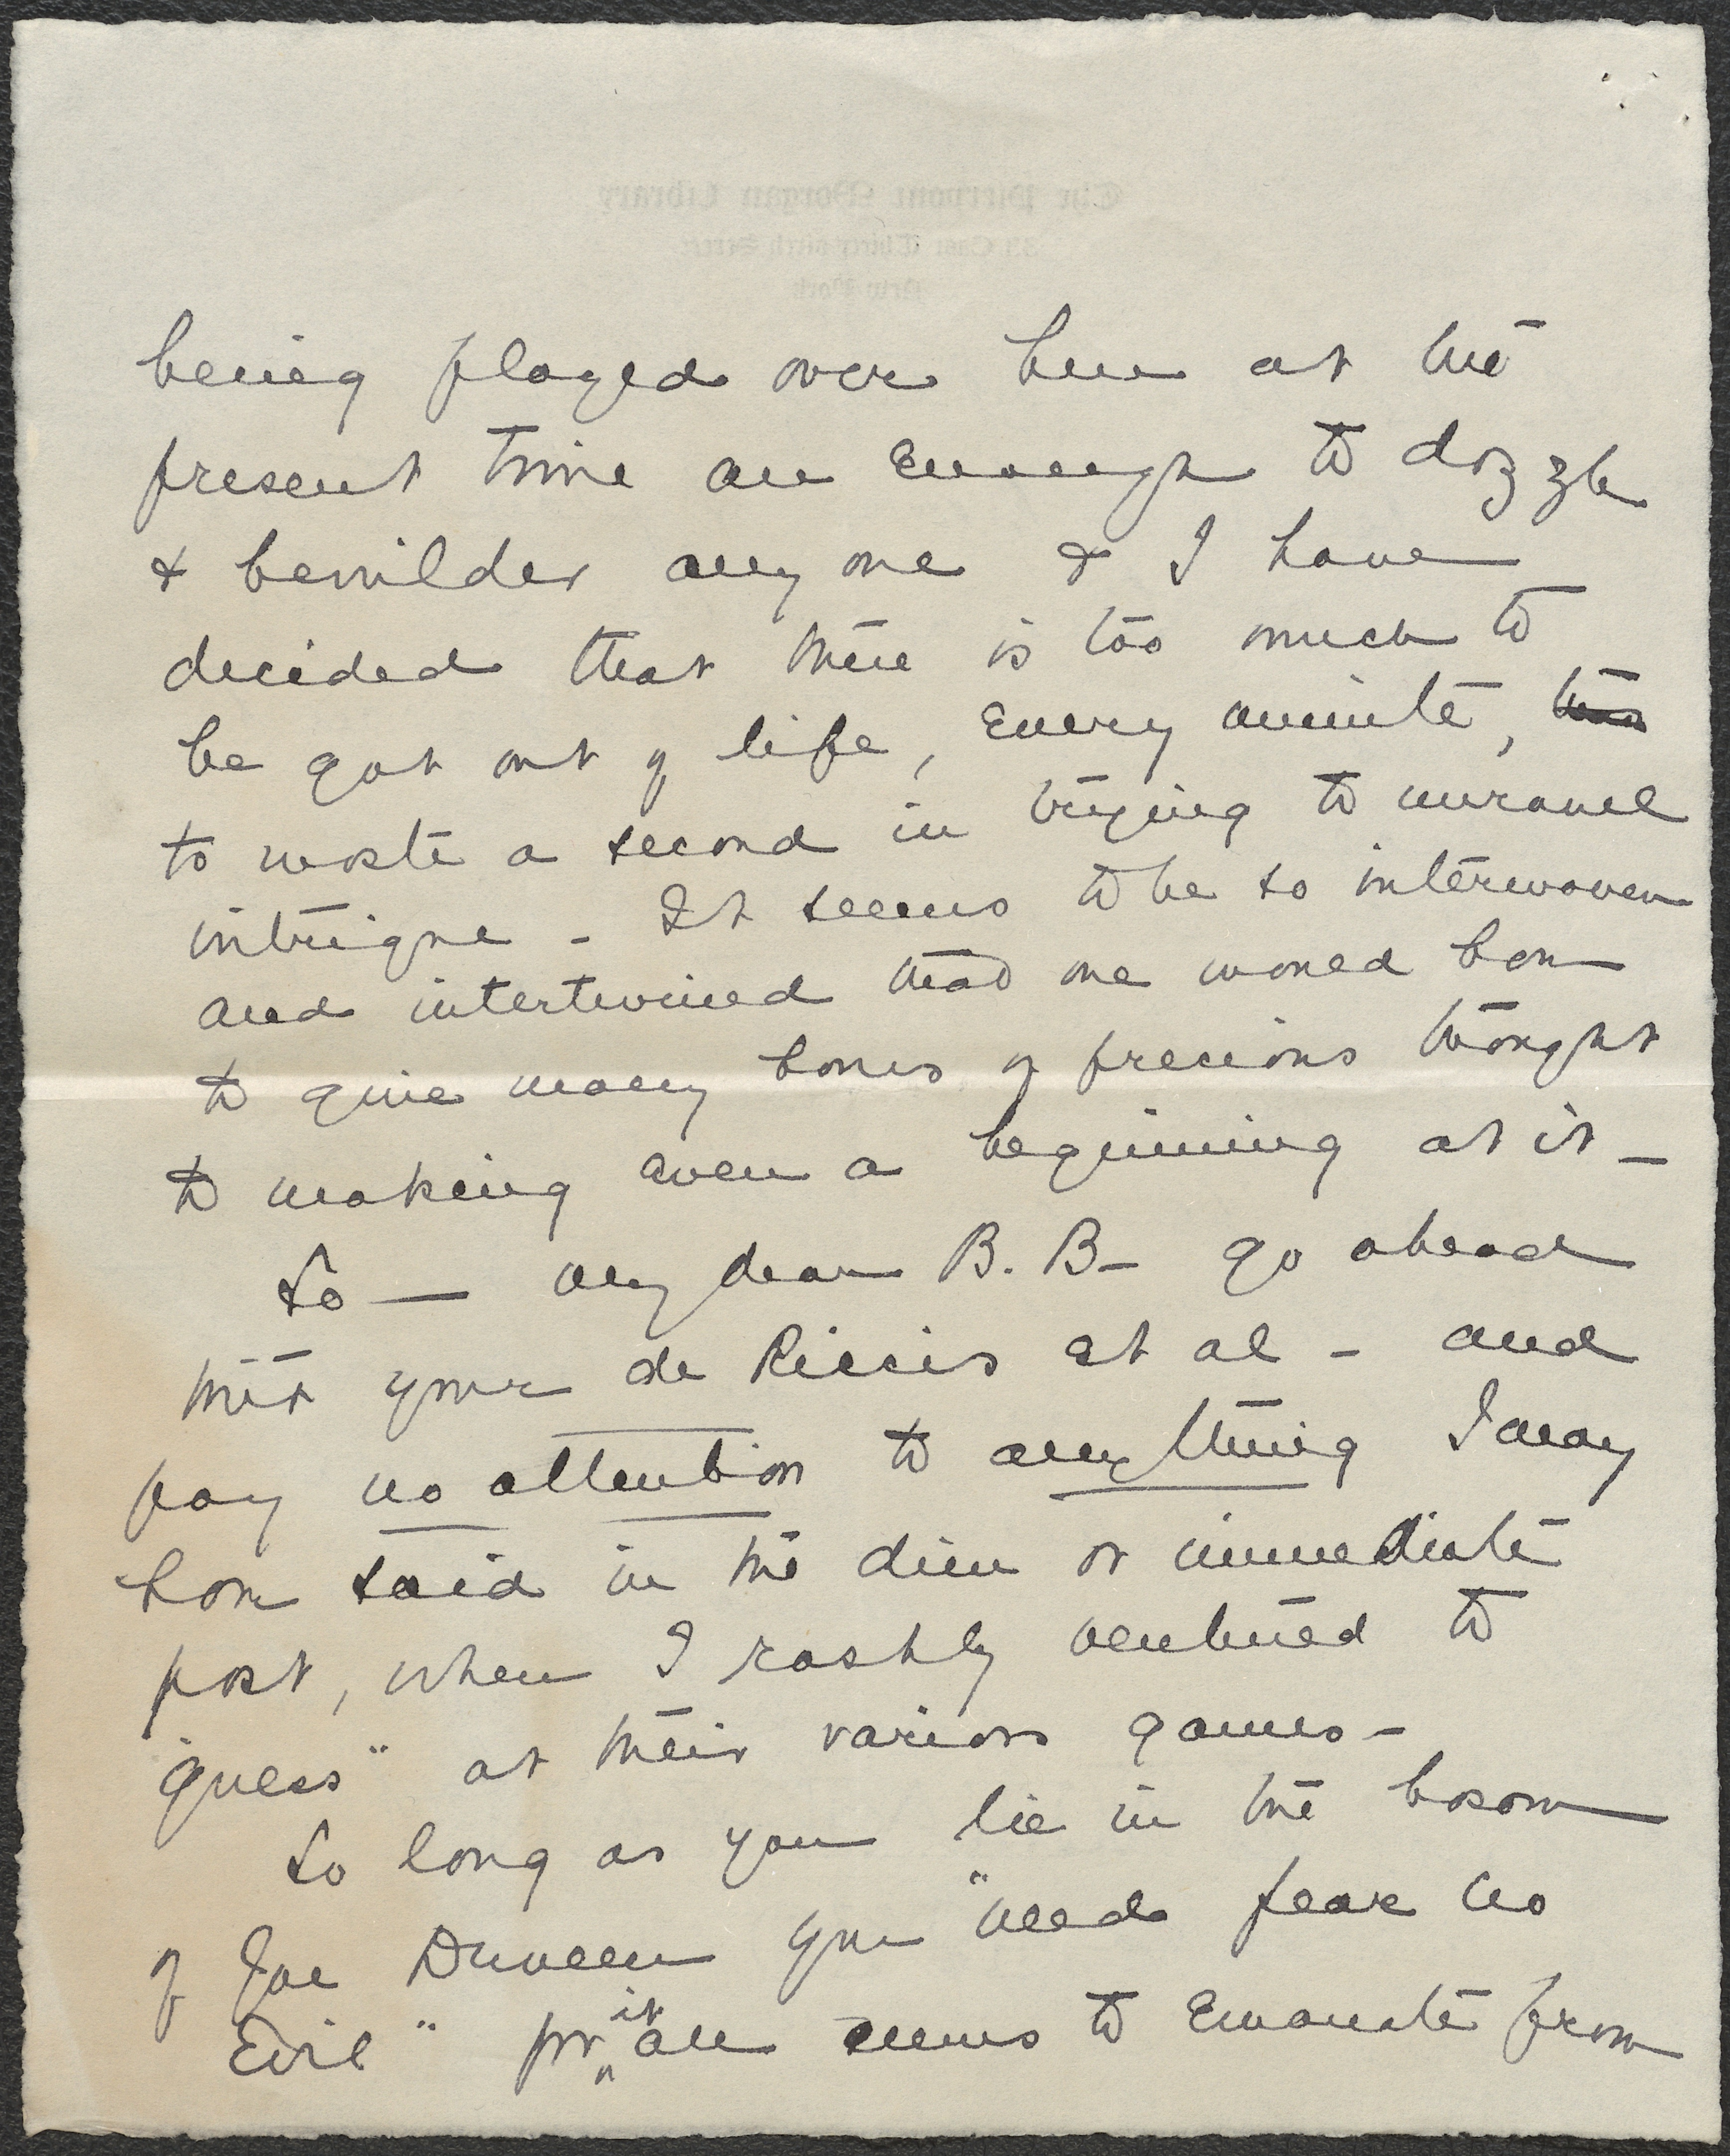being played over here at the present time are enough to dazzle and bewilder any one & I have decided that there is too much to be got out of life, every minute, than to waste a second in trying to unravel intrigue – It seems to be so interwoven and intertwined that one would have to give many hours of precious thought to making even a beginning at it –
So – my dear B.B – go ahead with your de Riccis et al – and pay no attention to anything I may have said in the dim or immediate past, when I rashly ventured to "guess" at their various games –
So long as you lie in the bosom of Joe Duveen you "need fear no evil" for [^it^] all seems to emanate from